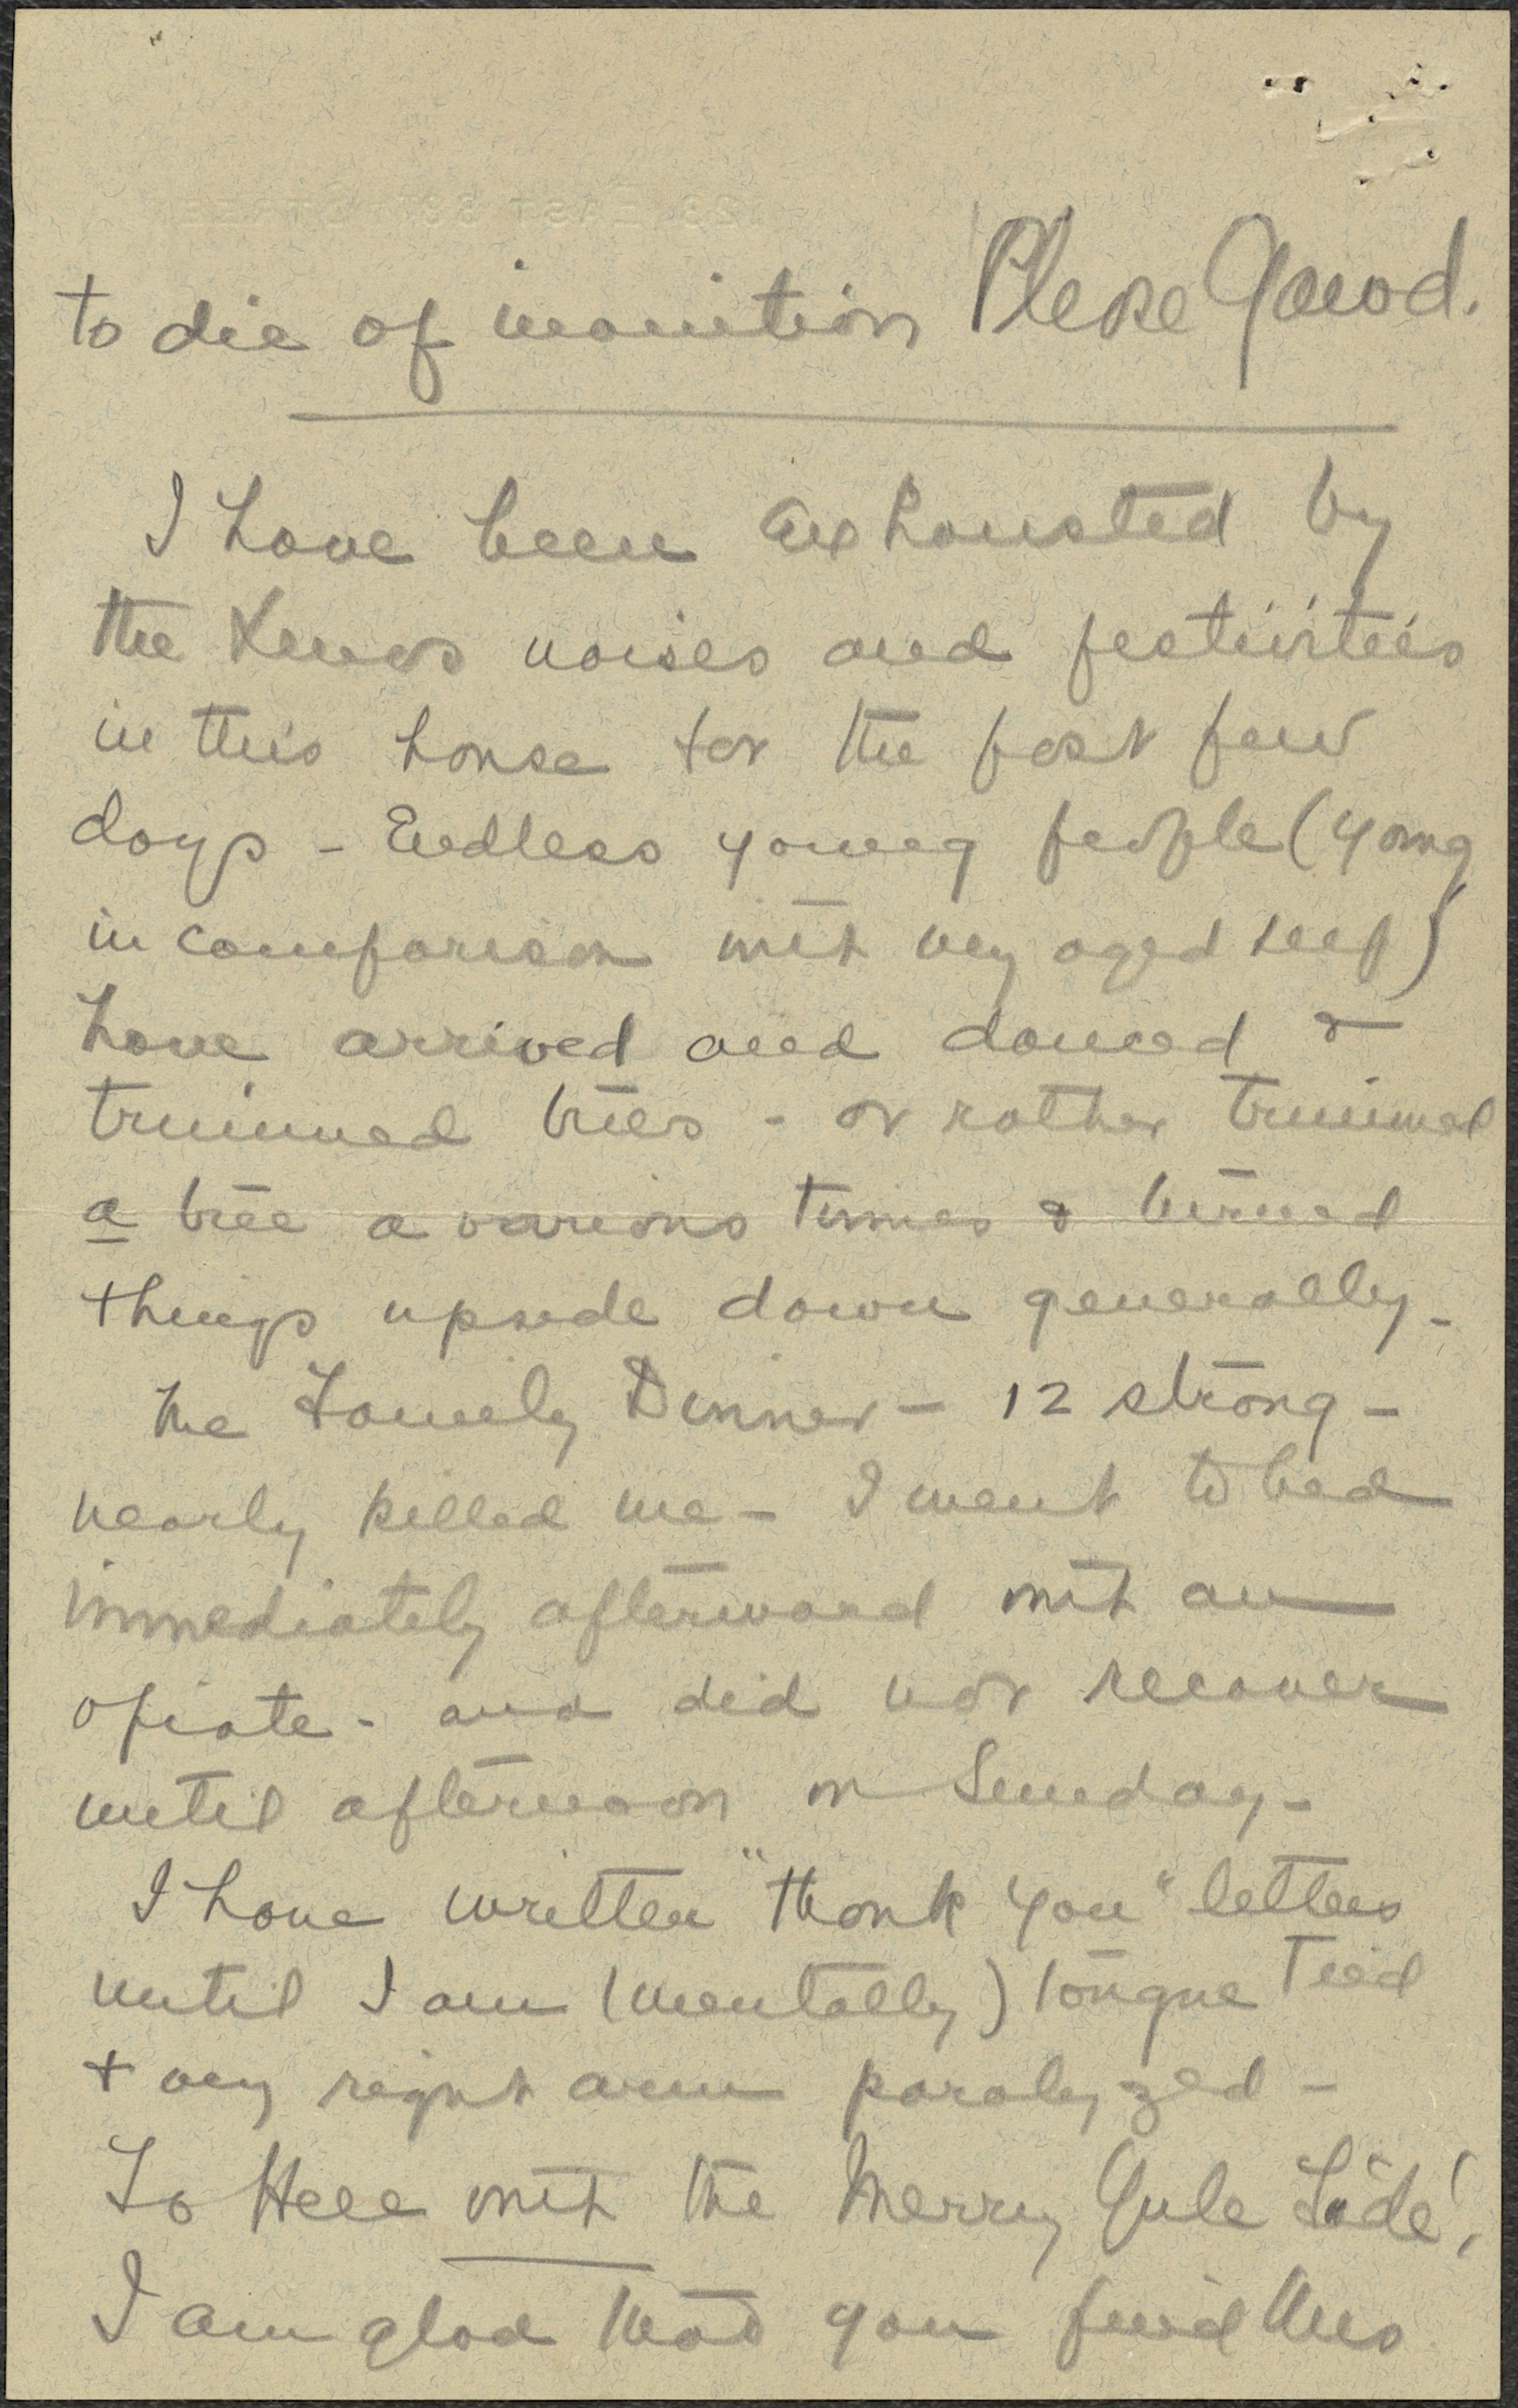to die of inanition. Please Gawd.
I have been exhausted by the Xmas noises and festivities in this house for the past few days – Endless young people (young in comparison with my aged self) have arrived and danced & trimmed trees – or rather trimmed a tree various times & turned things upside down generally –
The Family Dinner – 12 strong – nearly killed me – I went to bed immediately afterward with an opiate – and did not recover until afternoon on Sunday –
I have written "thank you" letters until I am (mentally) tongue tied & my right arm paralyzed –
To Hell with the Merry Yule Tide!
I am glad that you find Mrs